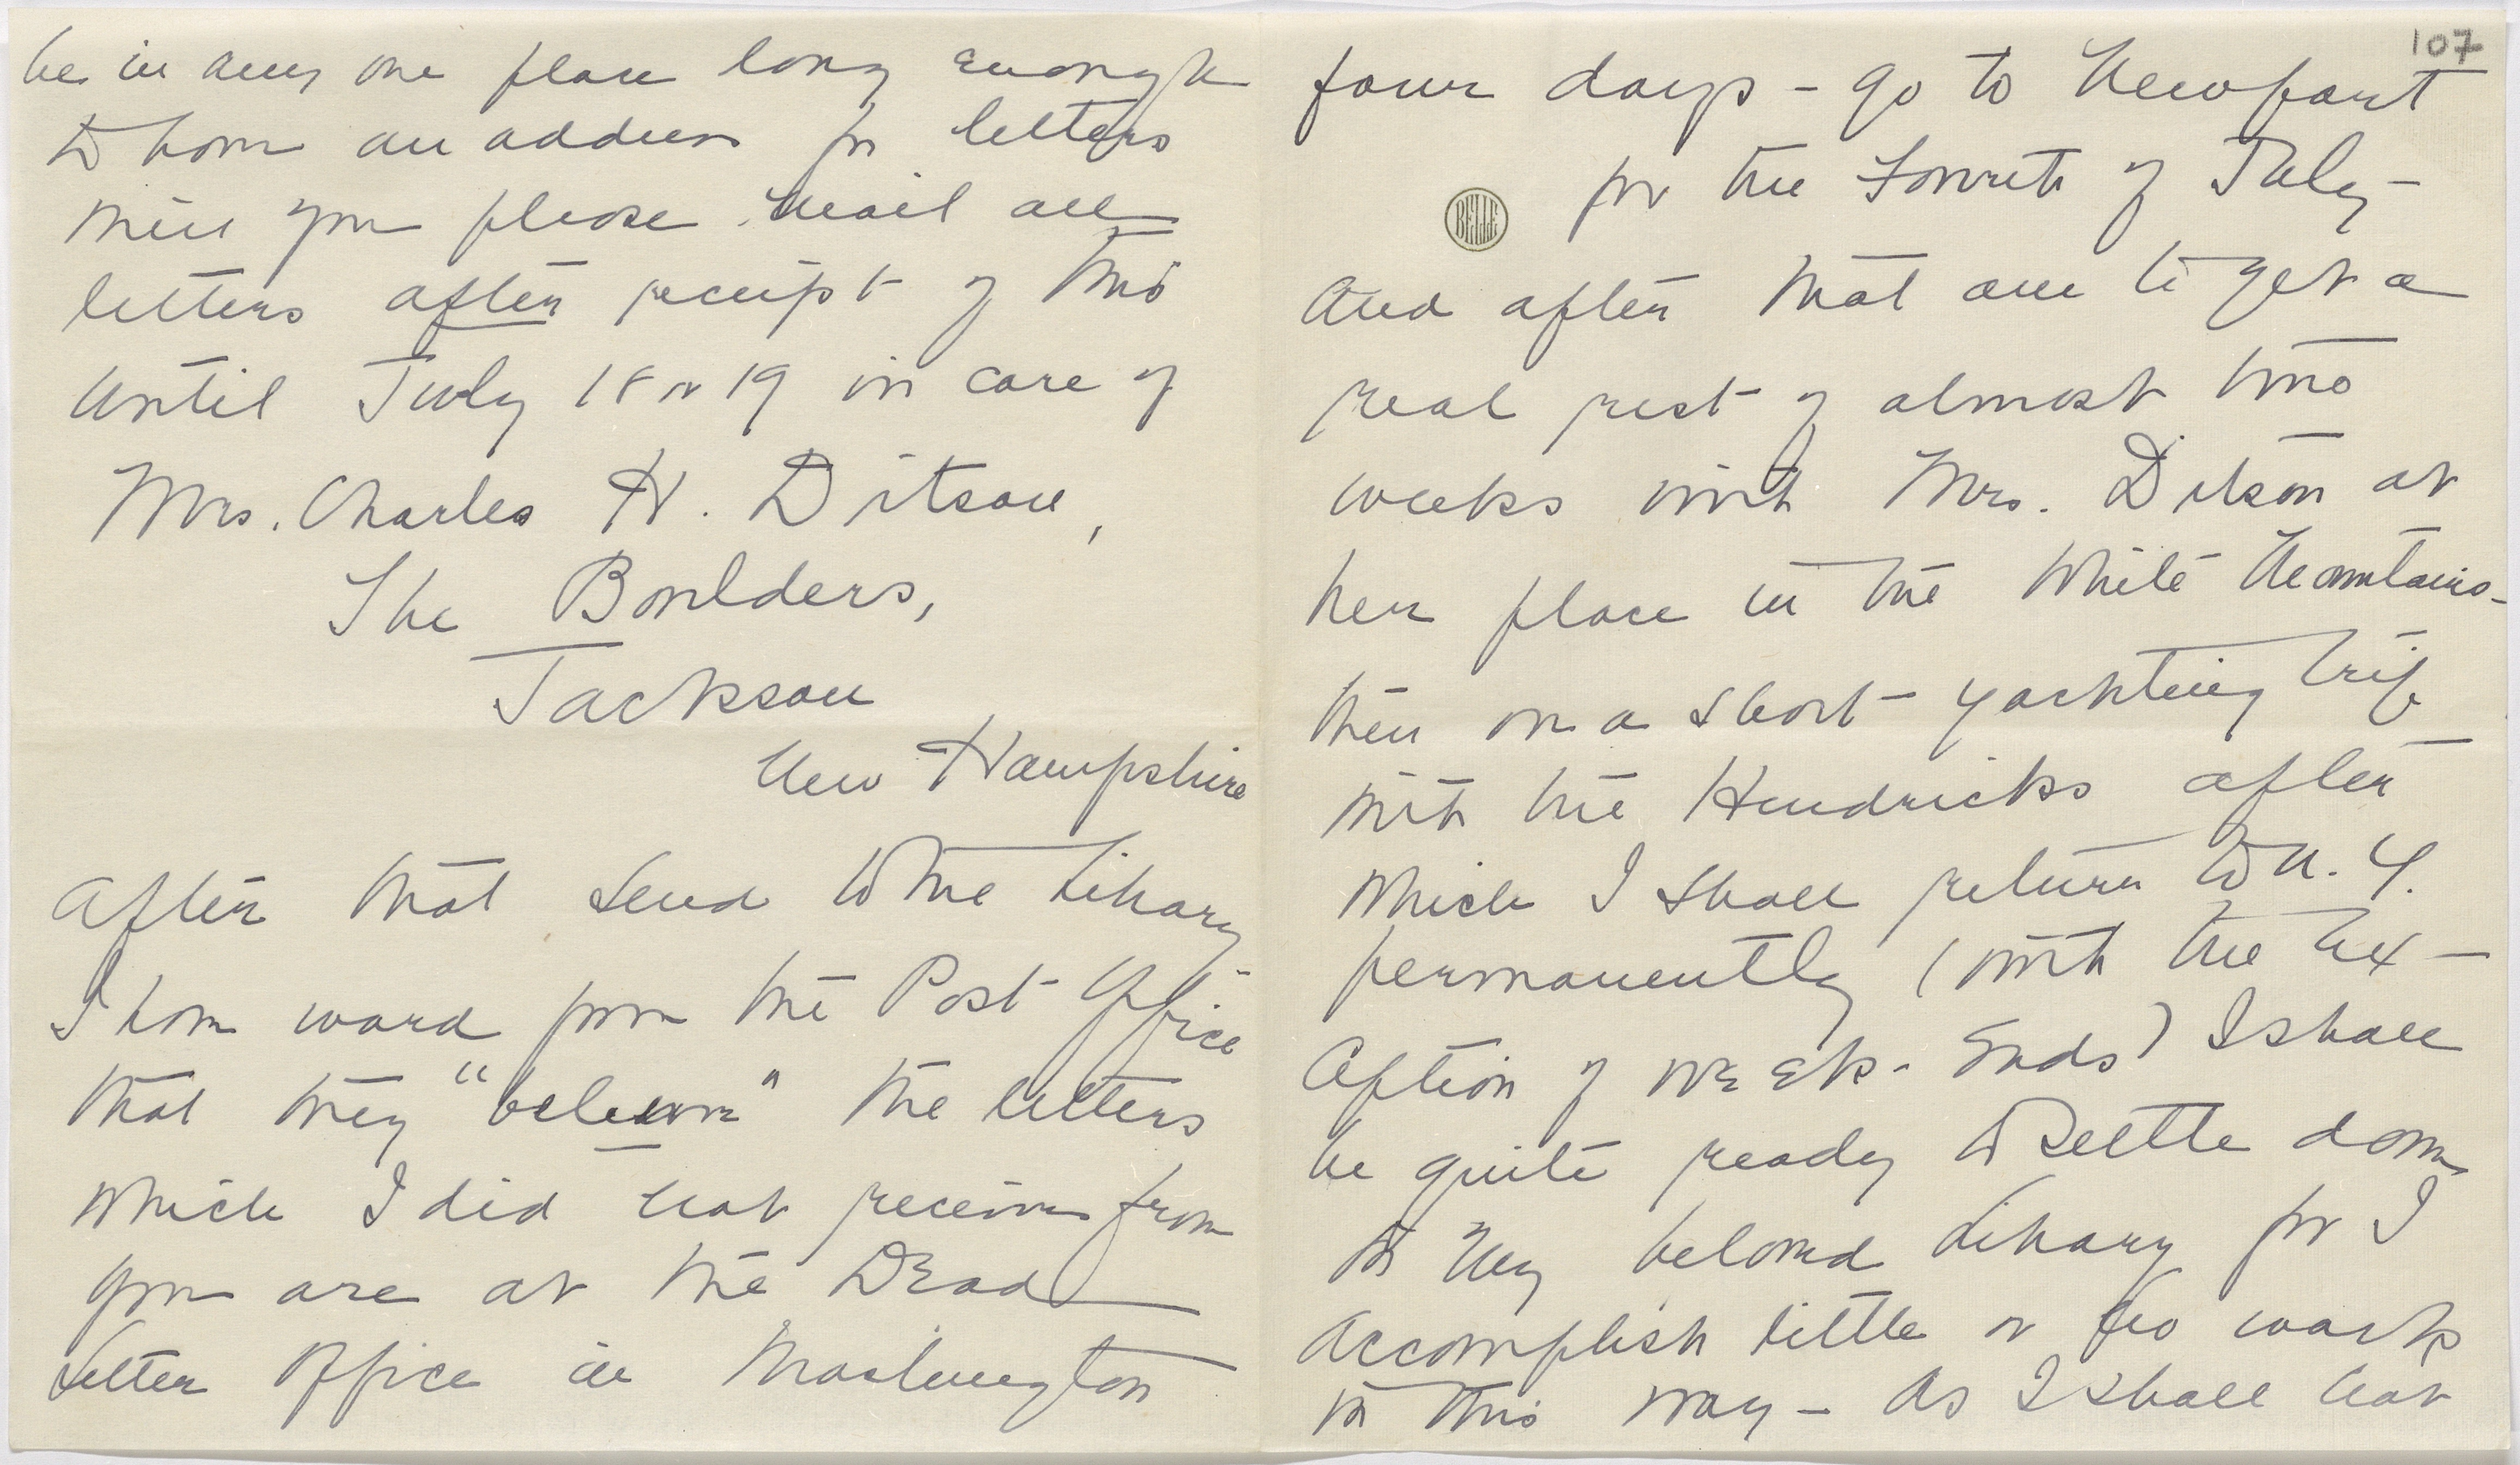four days – go to Newport for the Fourth of July – and after that am to get a real rest of almost two weeks with Mrs. Ditson at her place in the White Mountains – then on a short yachting trip with the Hendricks after which I shall return to N.Y. permanently (with the exception of week-ends) I shall be quite ready to settle down in my beloved Library for I accomplish little or no work in this way – as I shall not
be in any one place long enough to have an address for letters will you please mail all letters after receipt of this until July 18 or 19 in care of
Mrs. Charles H. Ditson
The Boulders,
Jackson
New Hampshire
after that send to the Library – I have word from the Post Office that they “believe” the letters which I did not receive from you are at the Dead Letter Office in Washington